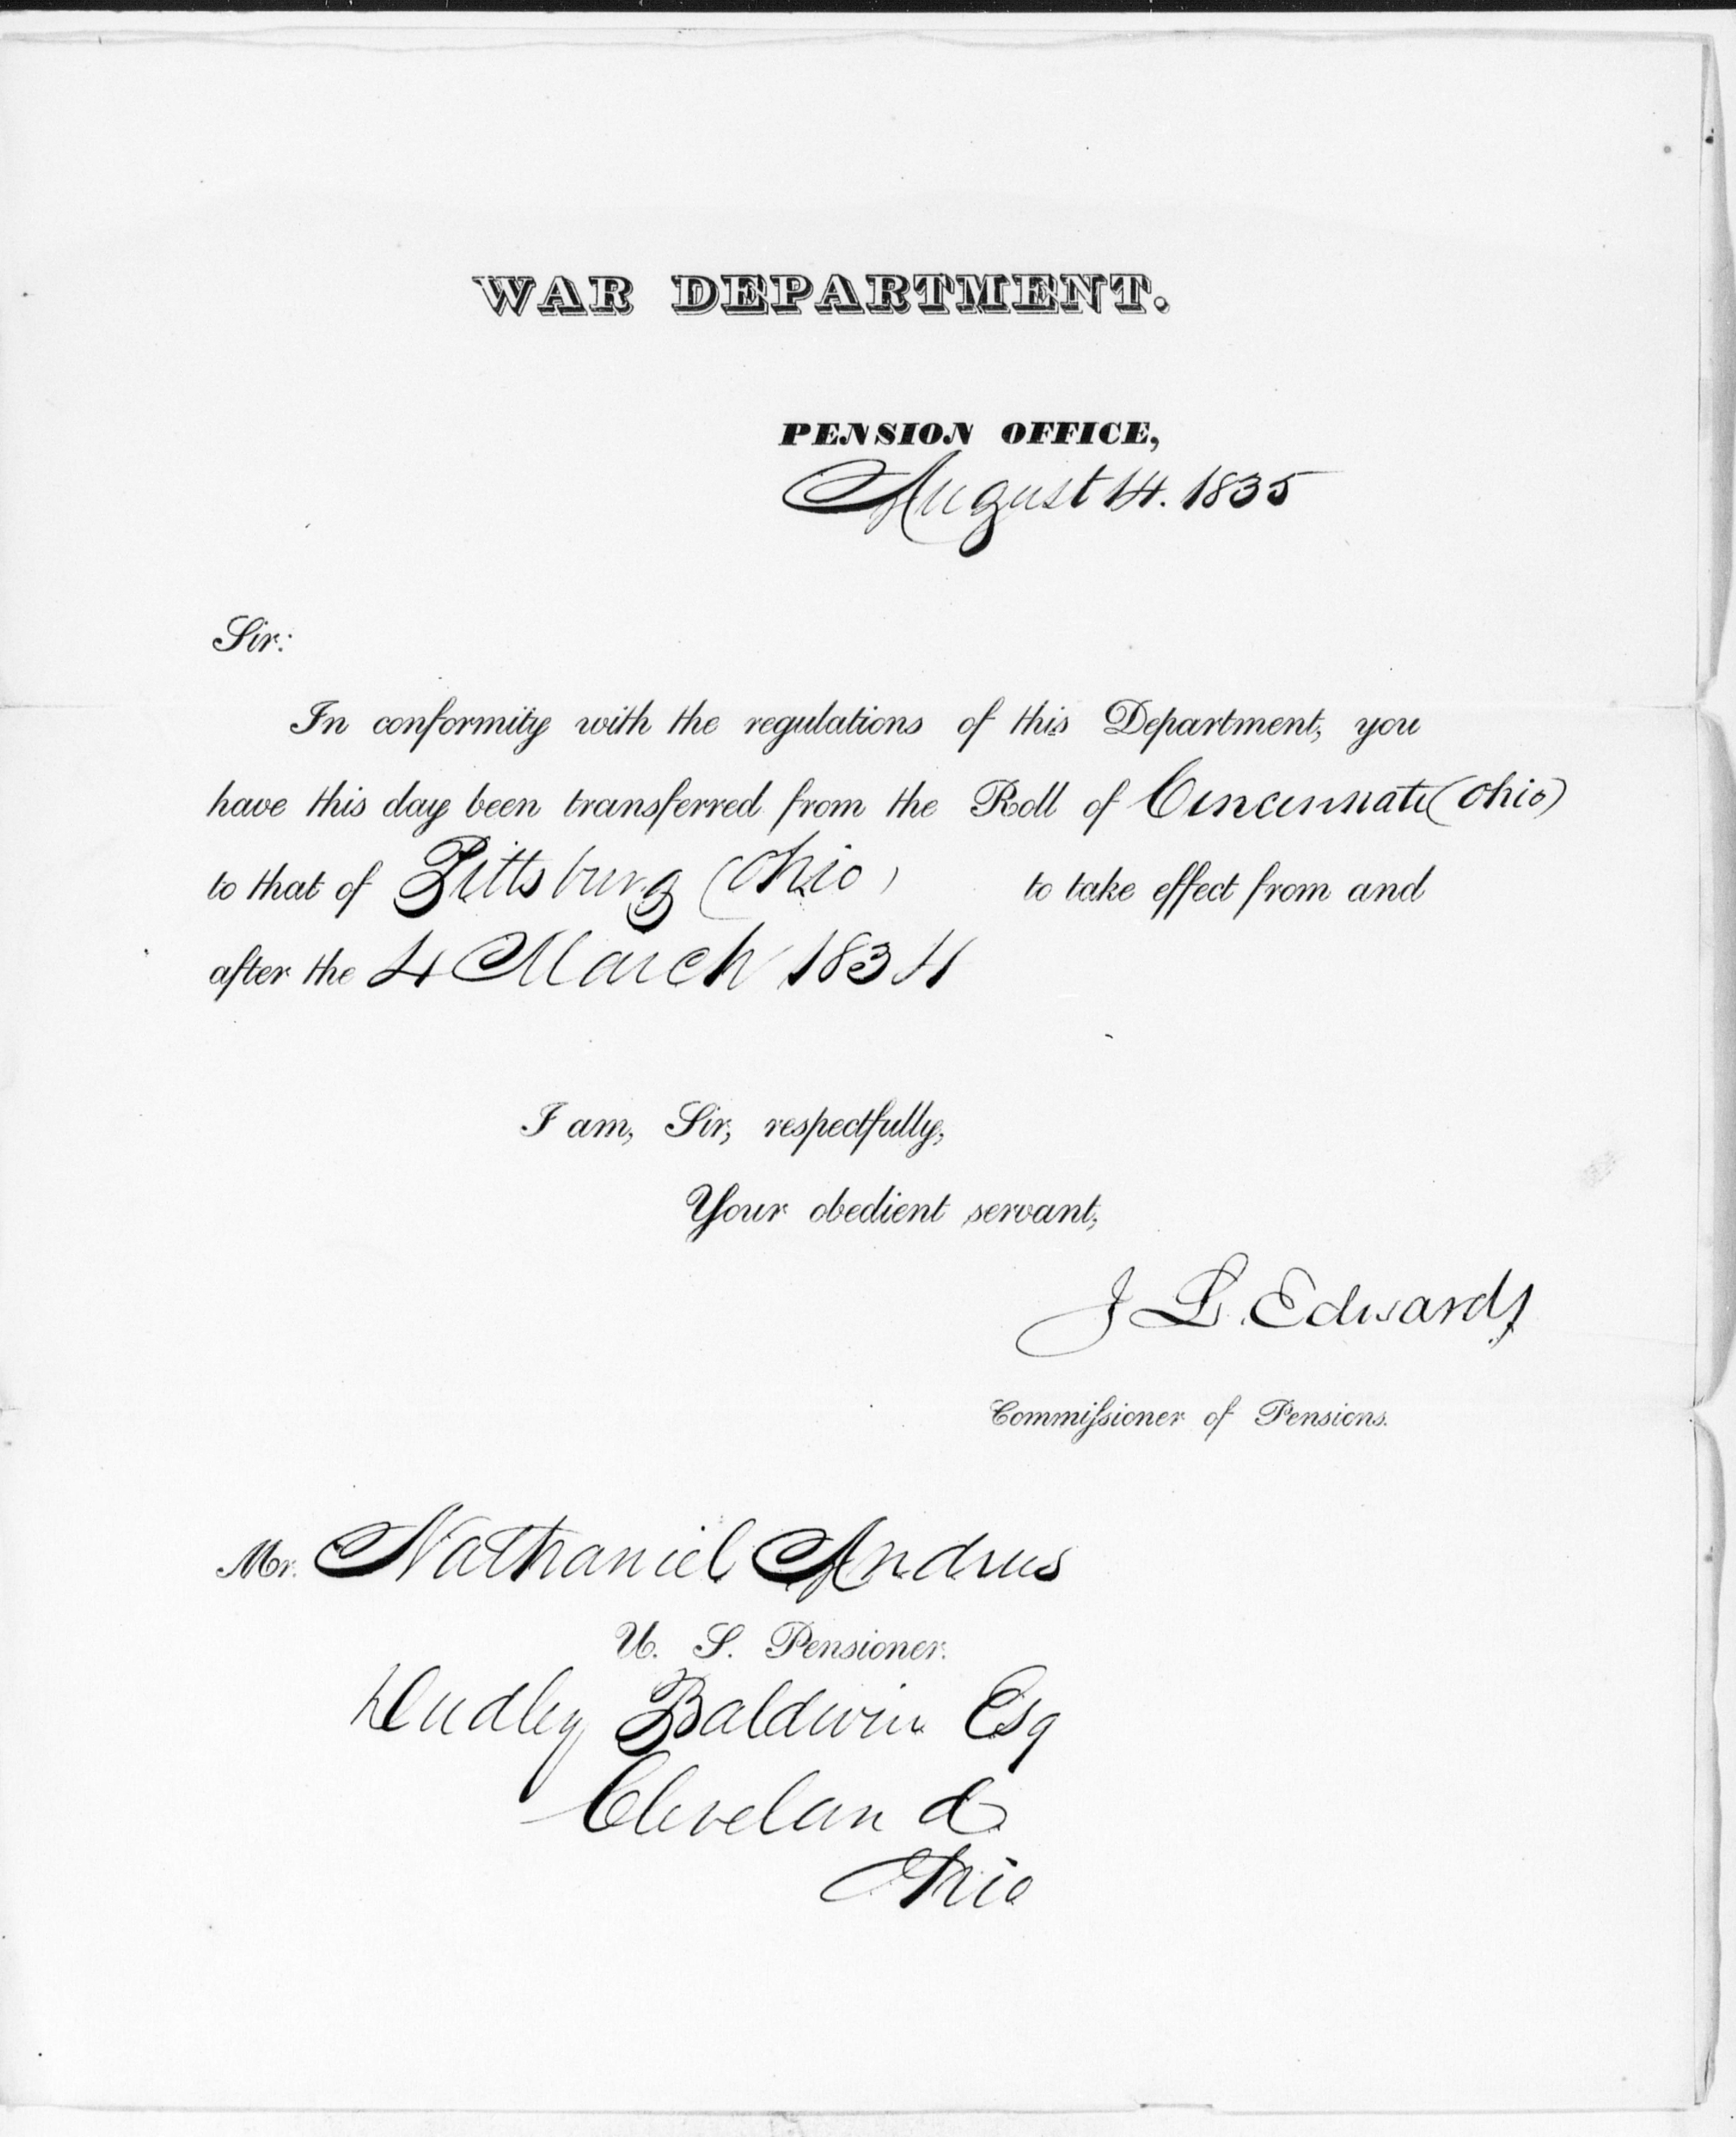WAR DEPARTMENT
PENSION OFFICE,
August 4. 1835
Sir
In conformity with the regulations of this Department, you
have this day been transferred from the Roll of Cincinnati (Ohio)
to that of Pittsburg (Ohio) to take effect from and
after the 4 March 1831
I am, Sir, respectfully,
Your obedient servant,
J. L. Edwards
Commissioner of Pensions
Mr. Nathaniel Andrews
U. S. Pensioner
Dudley Baldwin Esq
Cleveland
Ohio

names: Dudley Baldwin, J L Edwards, Nathaniel Andrus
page: 54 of 78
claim: widow's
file: W. 4117, Nathaniel Bradley, Conn.